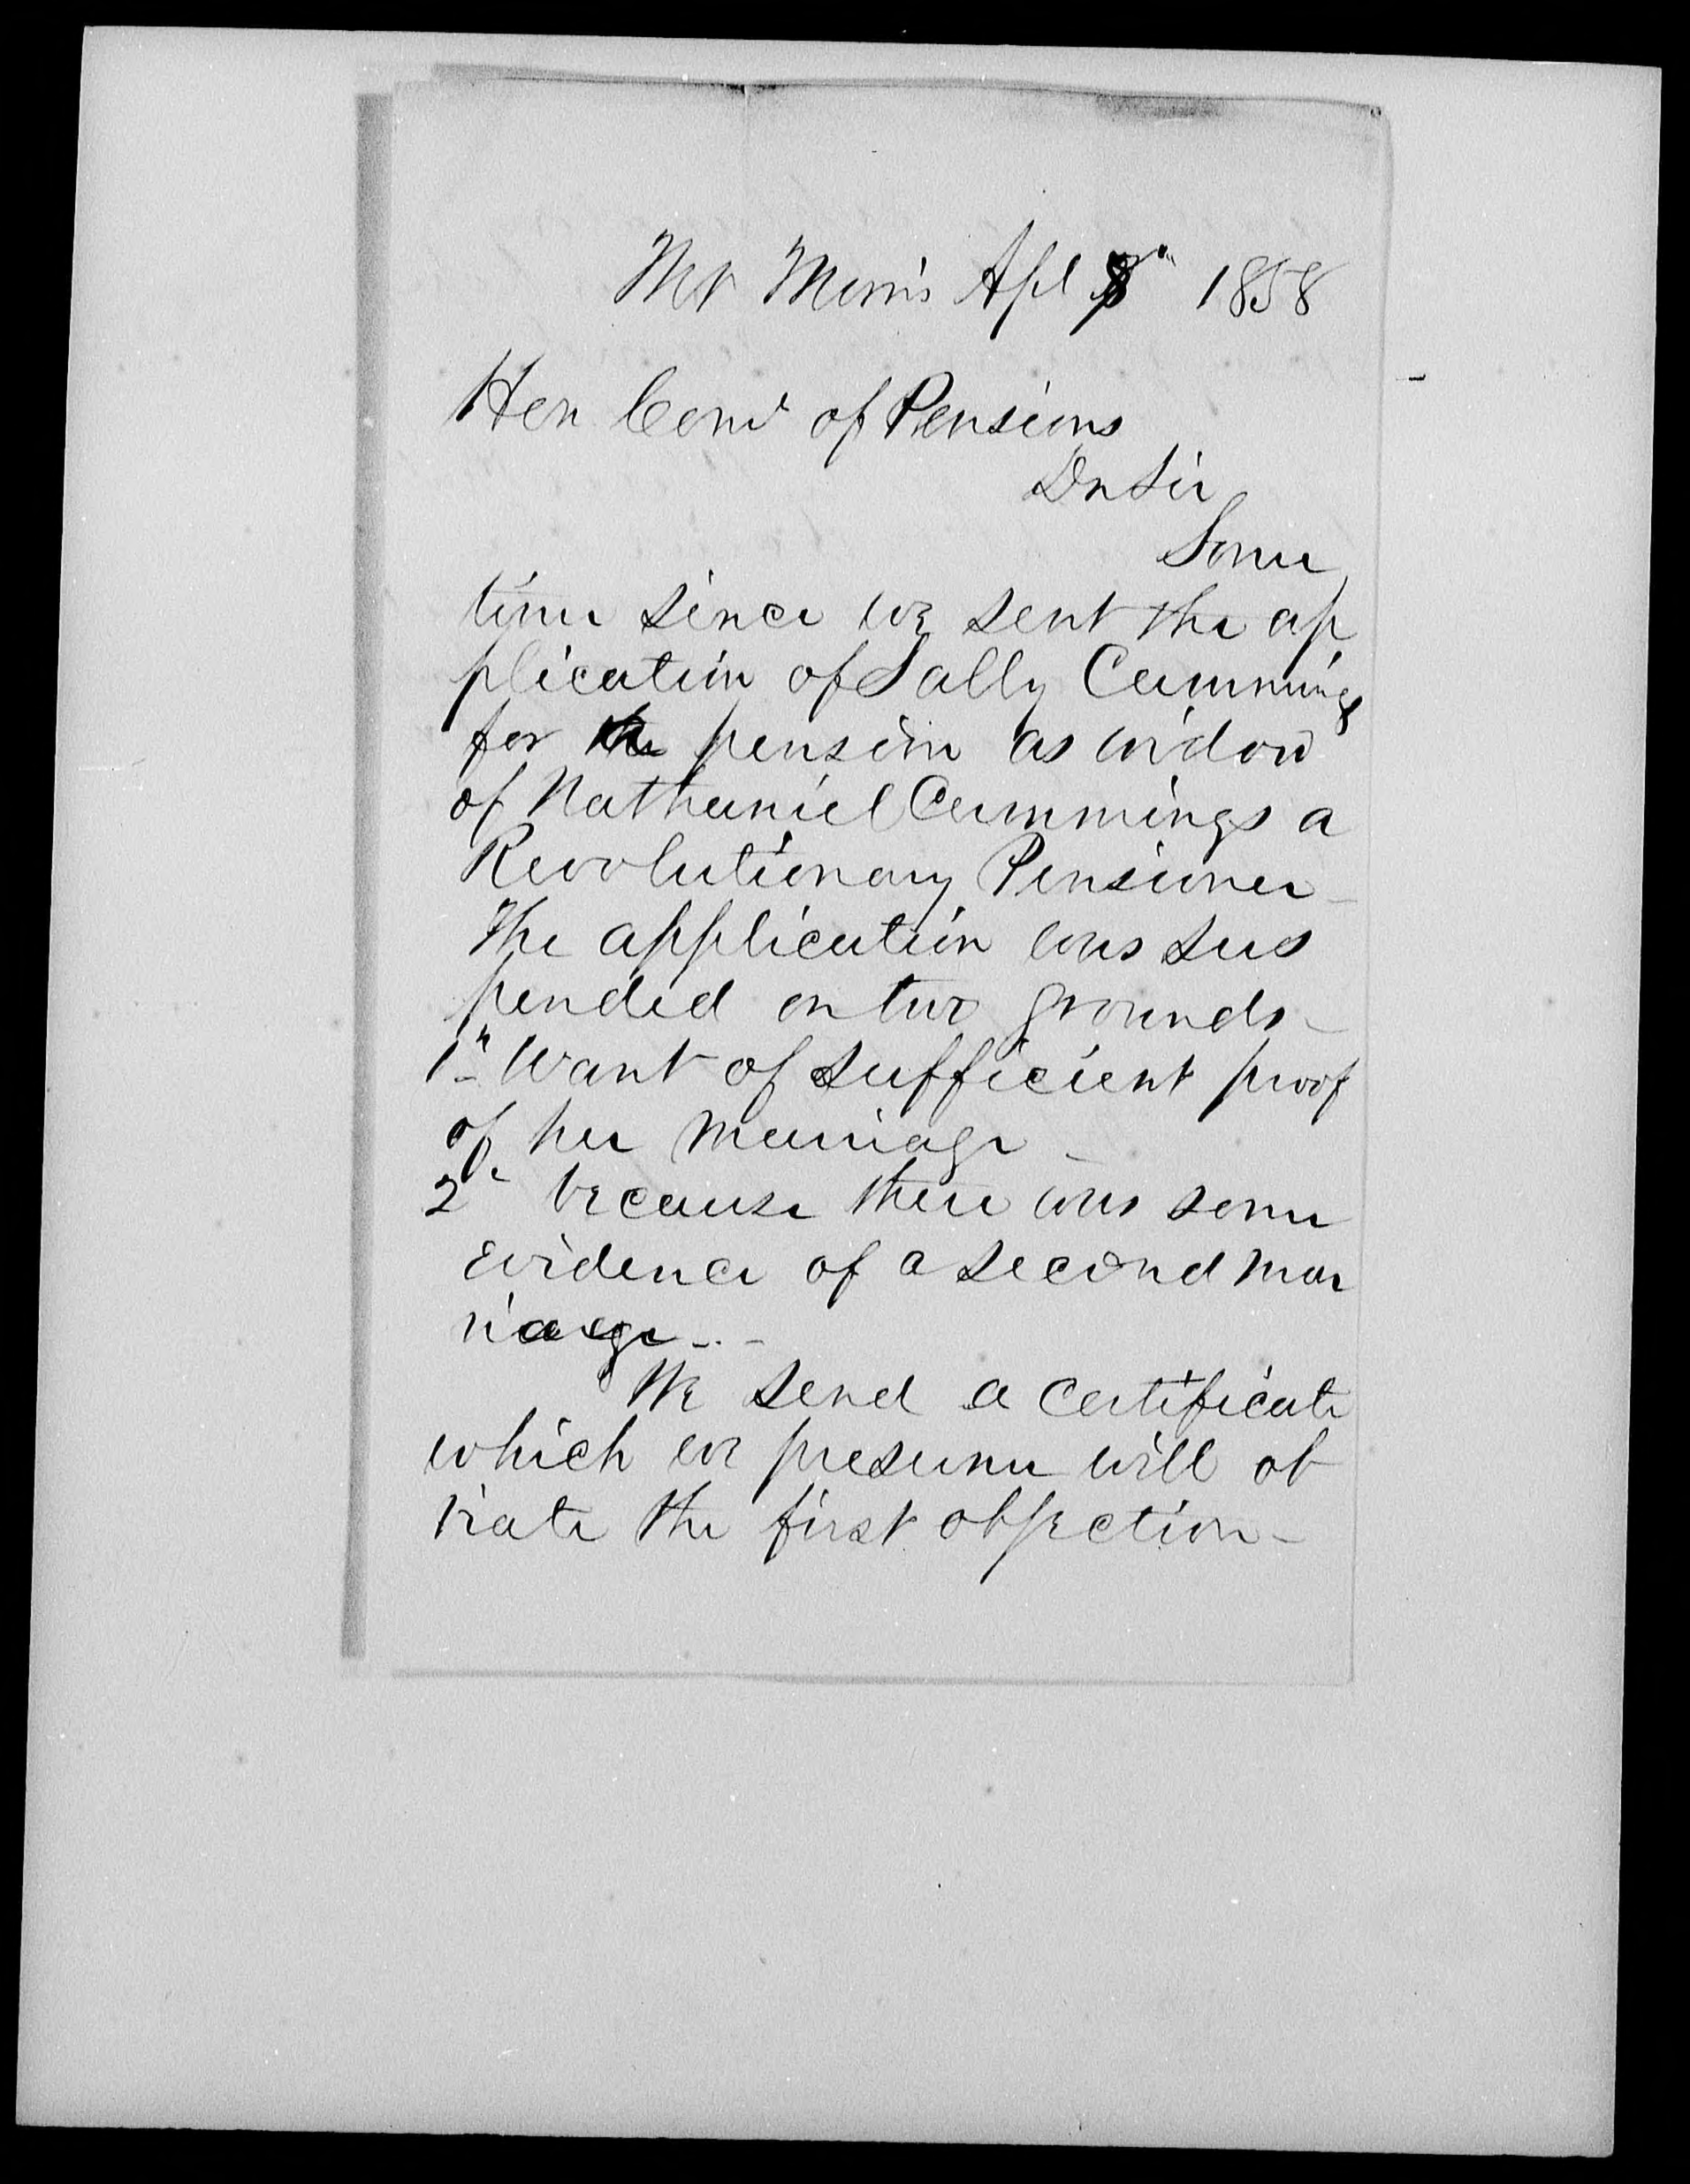Mr Morris Apl Hen 1858
Com of Pensions
Dr Sir
Some time since we sent the 
application of Sally Cummings
for the pension as widow
of Nathaniel Cummings a
Revolutionary Pensioner
the application on sus
pended on two grounds
want of sufficient proof
of her marriage
because there was so
Evidence of a second marriage
We send a certificate
which we presence will of
date the first objection-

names: Sally Cummings, Nathaniel Cummings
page: 27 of 41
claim: widow's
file: W. 9819, Nathaniel Cumings, Vt.